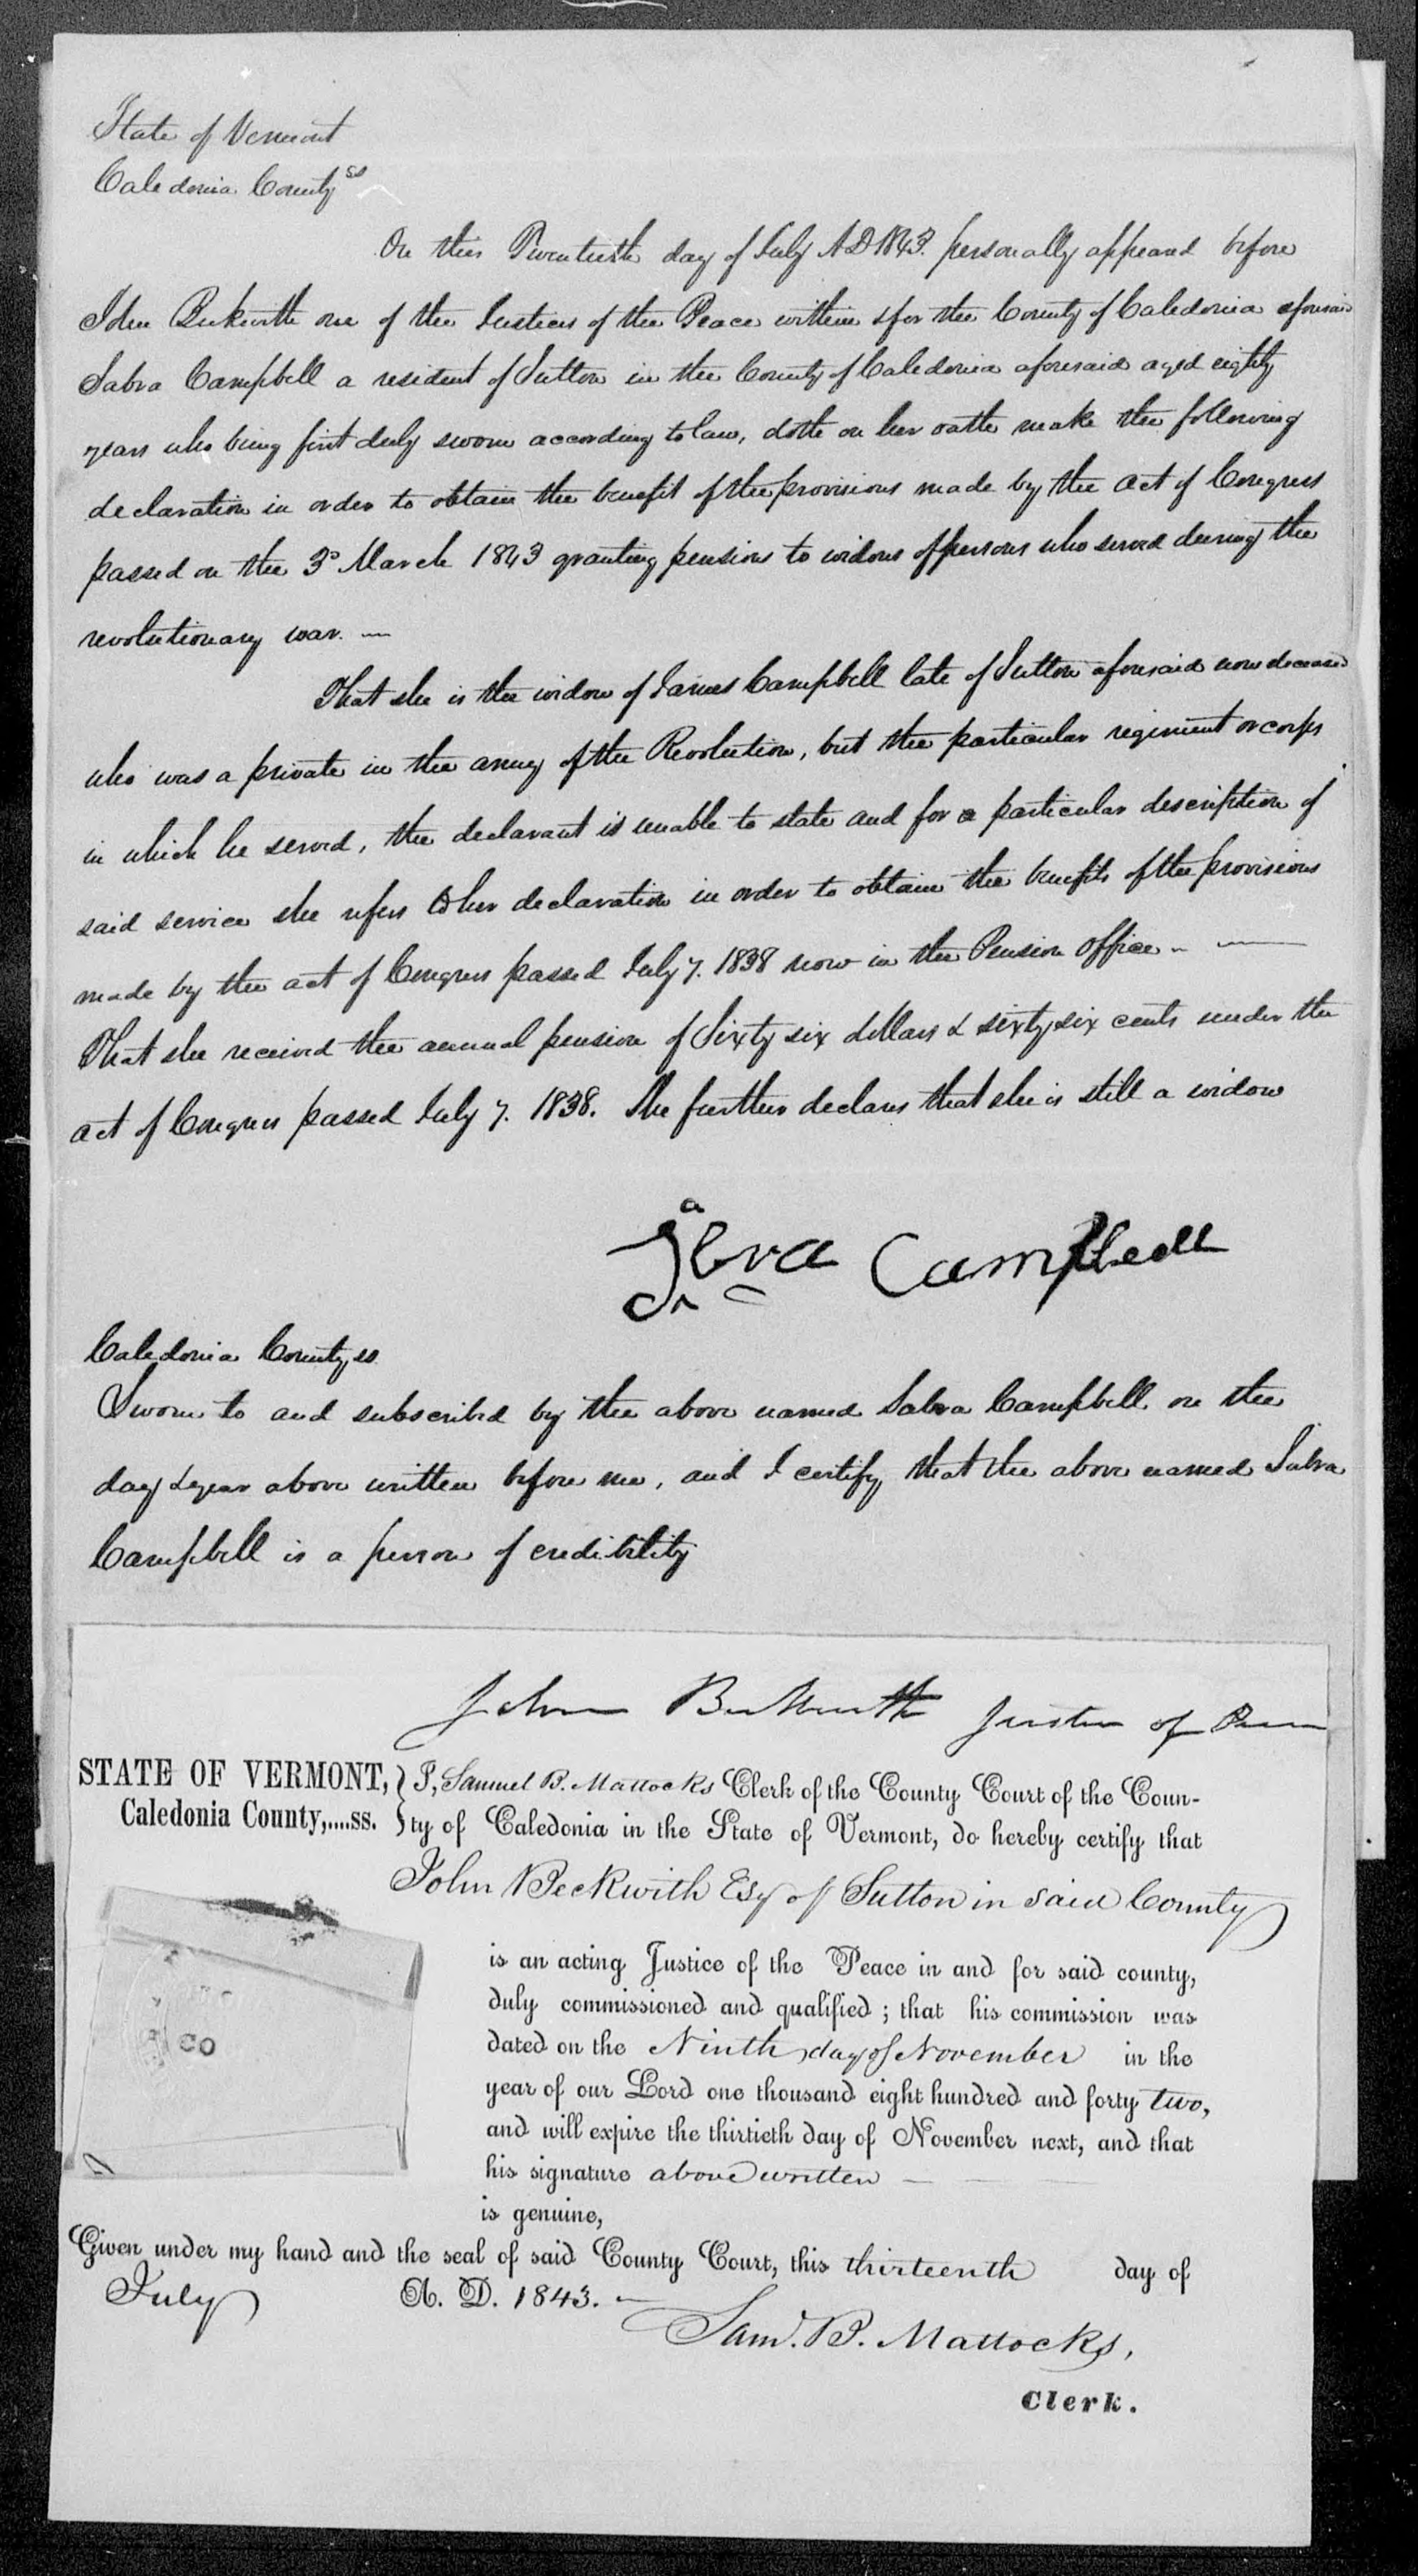State of Vermont
Caledonia County ss

On this Twentieth day of July AD 1843. personally appeared before John Beckwith one of the Justices of the Peace within & for the County of Caledonia aforesaid Sabra Campbell a resident of Sutton in the County of Caledonia aforesaid aged eighty years who being first duly sworn according to law, doth on her oath make the following declaration in order to obtain the benefit of the provisions made by the act of Congress passed on the 3d March 1843 granting pensions to widows of persons who served during the revolutionary war ~

That she is the widow of James Campbell late of Sutton aforesaid now deceased who was a private in the army of the Revolution, but the particular regiment or corps in which he served, the declarant is unable to state and for a particular description of said service she refers to her declaration in order to obtain the benefit of the provisions made by the act of Congress passed July 7. 1838 now in the Pension Office ~

That she received the annual pension of Sixty six dollars & sixty six cents under the act of Congress passed July 7. 1838. She further declares that she is still a widow

Sabra Campbell


Caledonia County ss
Sworn to and subscribed by the above named Sabra Campbell on the day & year above written before me, and I certify that the above named Sabra Campbell is a person of credibility
John Beckwith Justice of Peace


STATE OF VERMON,}
Caledonia County, ....ss.}
I, Samuel B. Mattocks Clerk of the County Court of the County of Caledonia in the State of Vermont, do hereby certify that John Beckwith Esq of Sutton in said County is an acting Justice of the Peace in and for said county, duly commissioned and qualified; that his commission was dated on the Ninth day of November in the year of our Lord one thousand eight hundred and forty two and will expire the thirtieth day of November next and that his signature above written is genuine,
Given under my hand and the seal of said County Court, this thirteenth day of July A.D. 1843. 
Saml. B. Mattocks
Clerk.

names: John Beckwith, John Beckwith, Saml B Mattocks, James Campbell, Sabra Campbell, Sabra Campbell, Sabra Campbell, Samuel B Mattocks, John Beckwith, Sabra Campbell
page: 26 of 67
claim: widow's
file: W. 23772, James Campbell, Continental Mass.